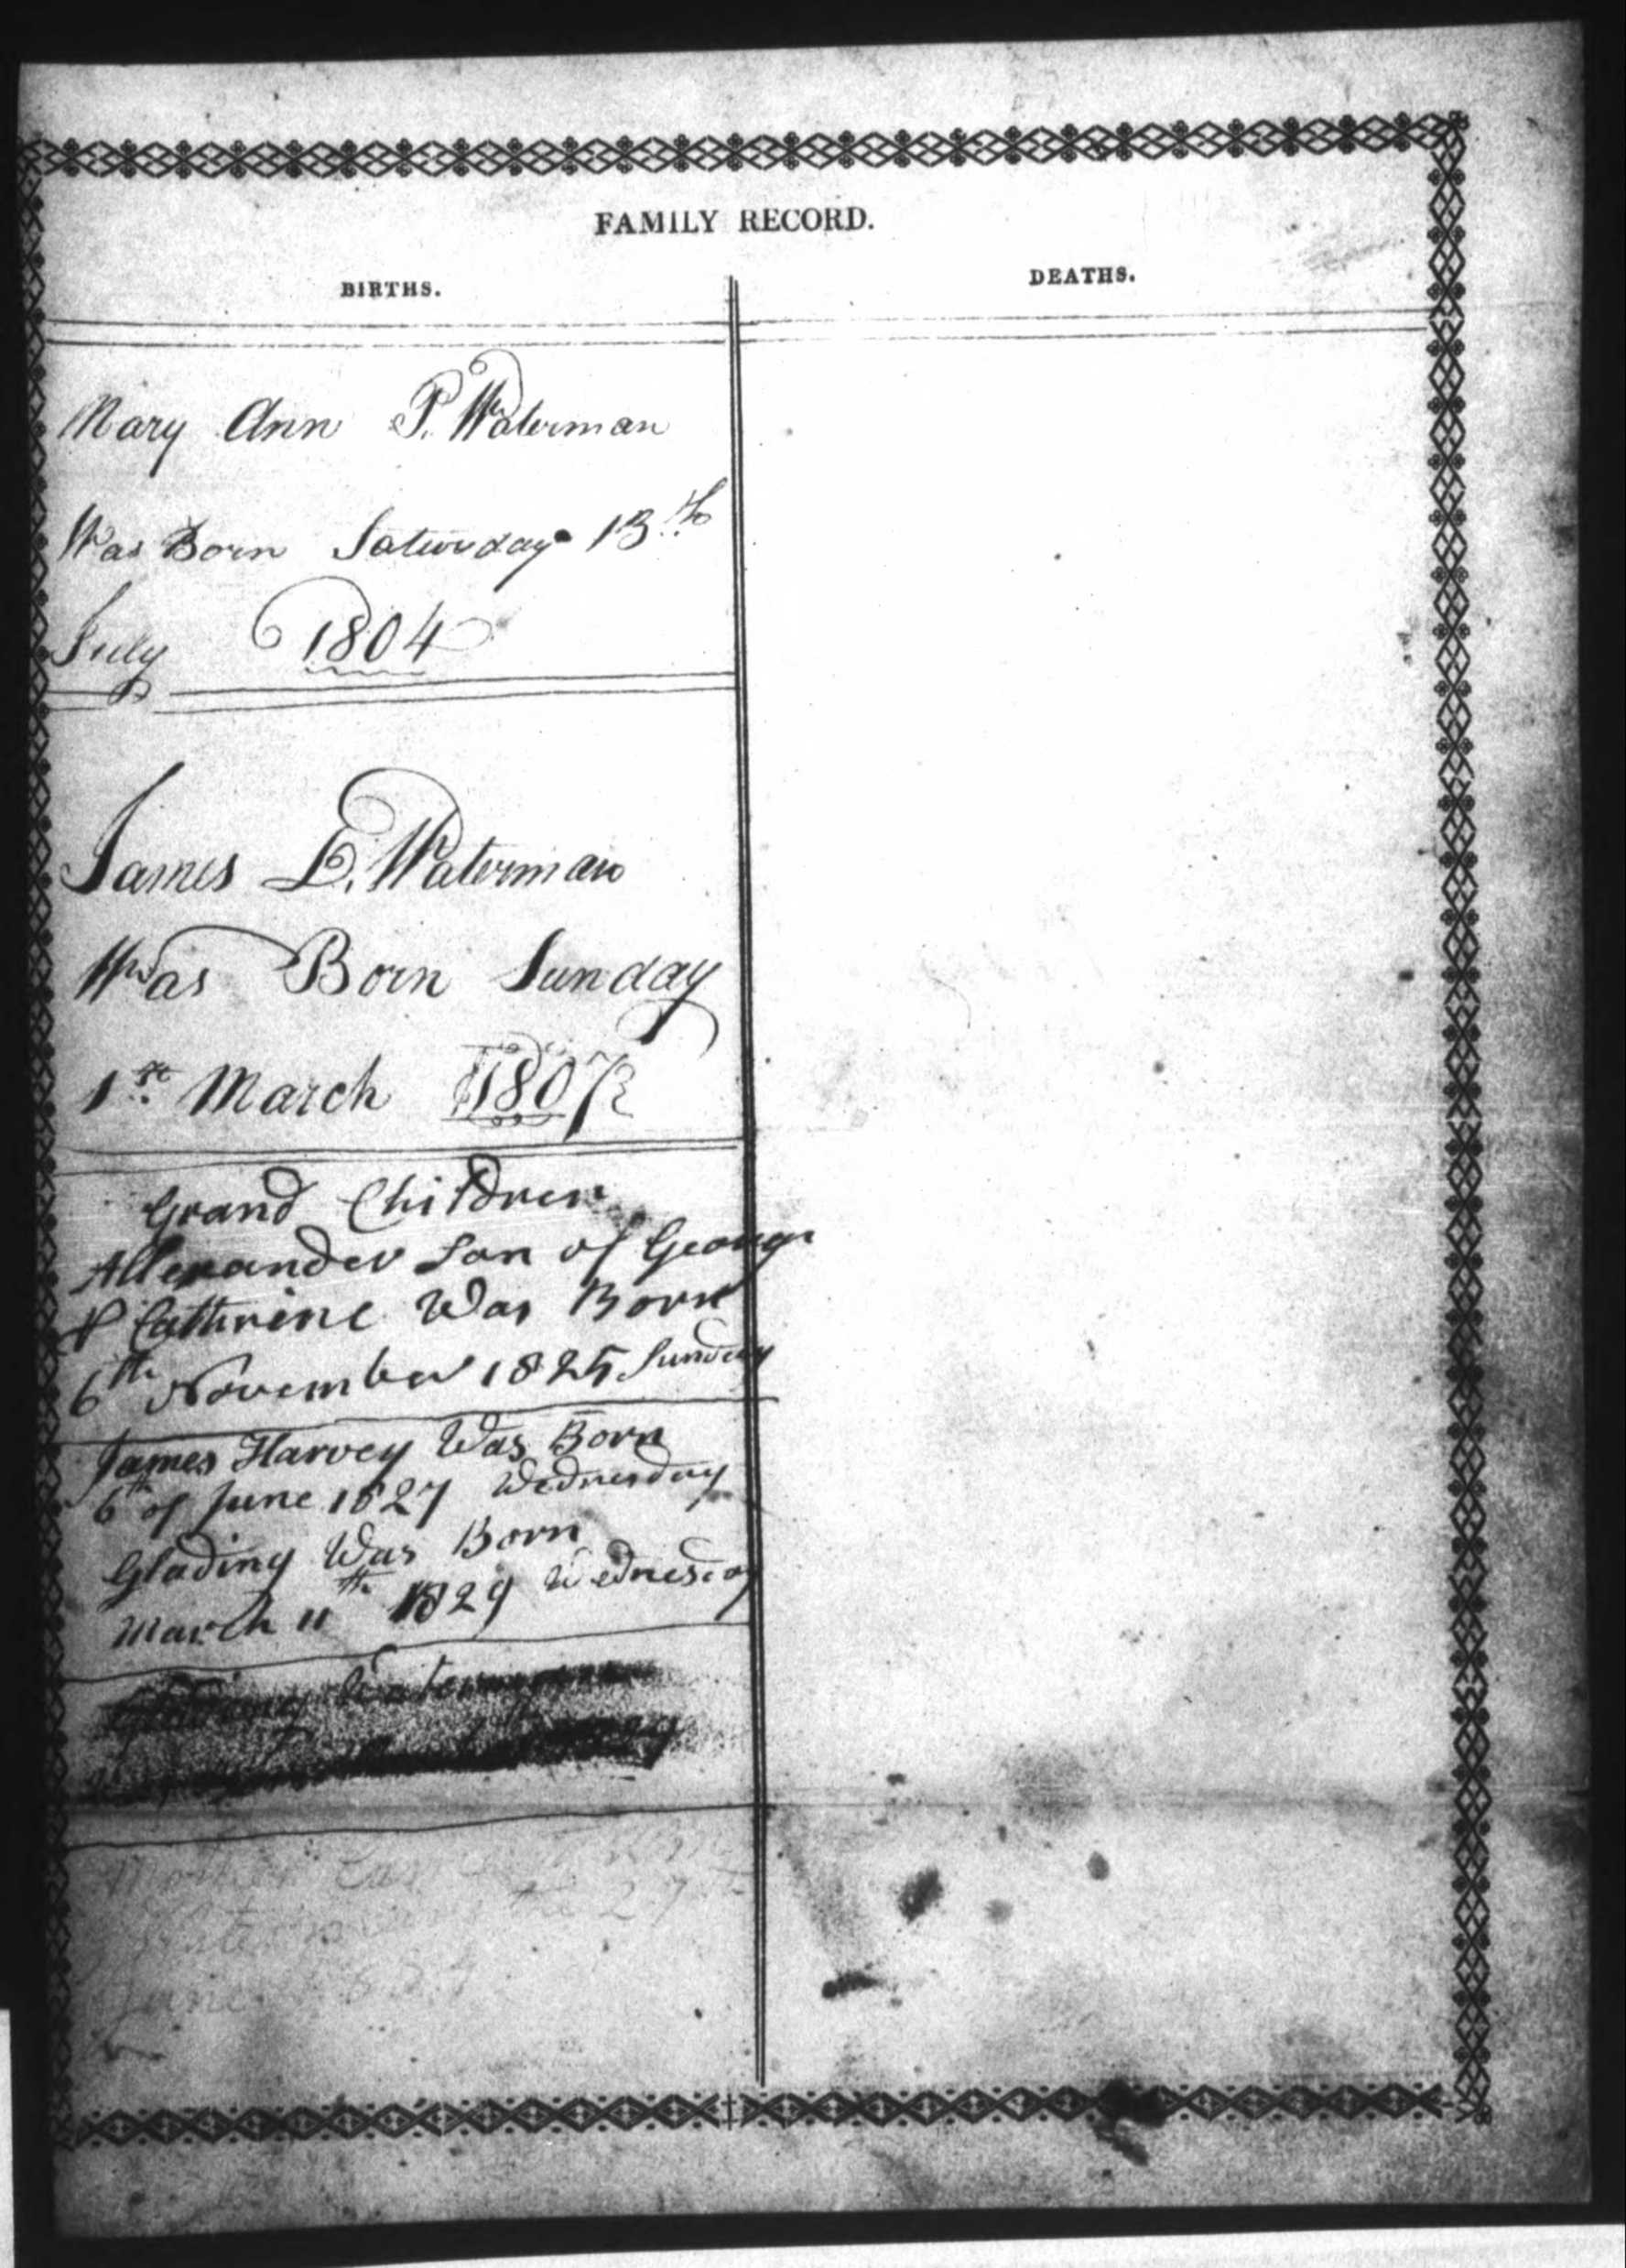FAMILY RECORD.
BIRTHS.
--------------------------
Mary Ann P. Waterman
Was Born Saturday 13th
July 1804
----------------------------
James L. Waterman
Was Born Sunday
1st March 1807
----------------------------
Grand Children
Allexander son of George
& Catherine was Born
6th November 1825 Sunday
-------------------------------
James Harvey Was Born
6th of June 1827 Wednesday
Glading Was Born
March 11th 1829 Wednesday
--------------------------------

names: Allexander, Mary Ann P Waterman, James Harvey, Glading, Cathrine, George, James D Waterman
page: 46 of 50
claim: widow's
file: W. 15814, Glading Waterman, Conn. Conn. Sea Service Continental